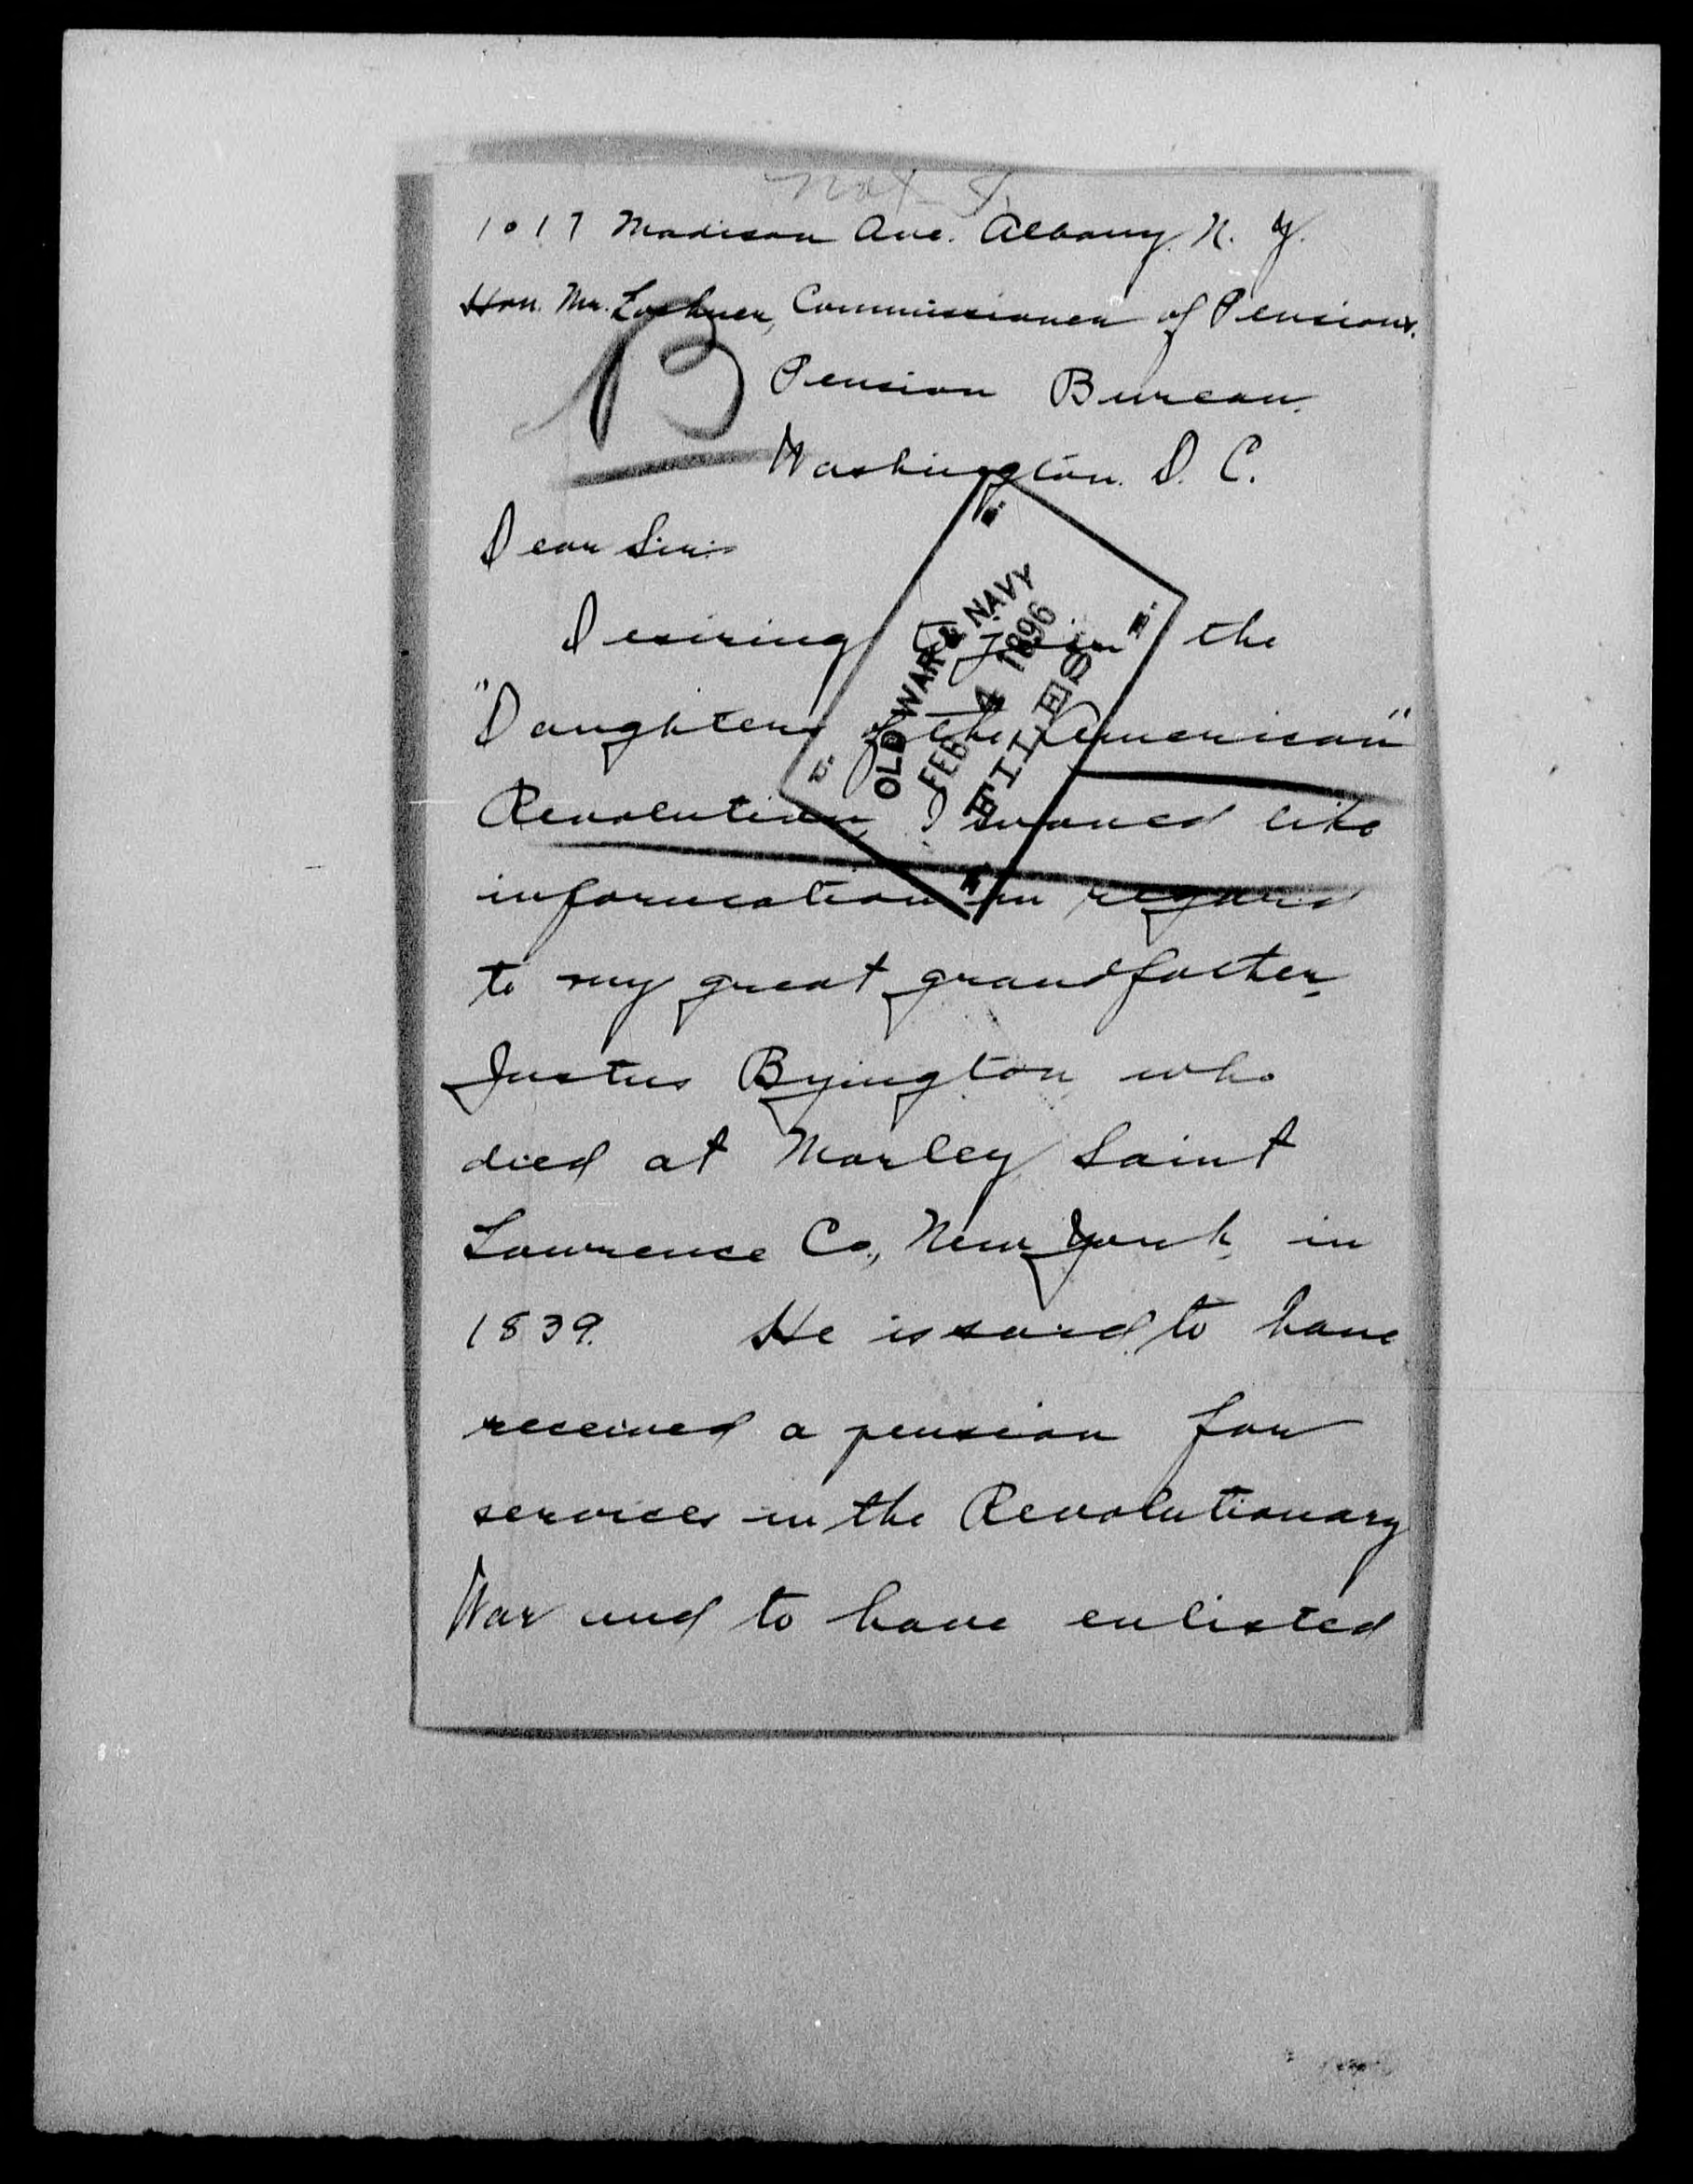Max - [illegible]
1017 Madison Ave. Albany, N.Y.
Hon. Mr. Eachner, Commissioner of Pensions.
Pension Bureau
Washington, D. C.

Dear Sir
Desiring to join the "Daughters of the American Revolution", I would like information in regard to my great grandfather, Justus Byington, who died at Marley, Saint Lawrence Co., New York, in 1839. He is said to have received a pension for services in the Revolutionary War and to have enlisted

[stamped]
OLD WAR & NAVY FILES
FEB 4 1896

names: Justus Byington, Eachner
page: 74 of 79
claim: widow's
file: W. 23754, Justus Byington, Conn.